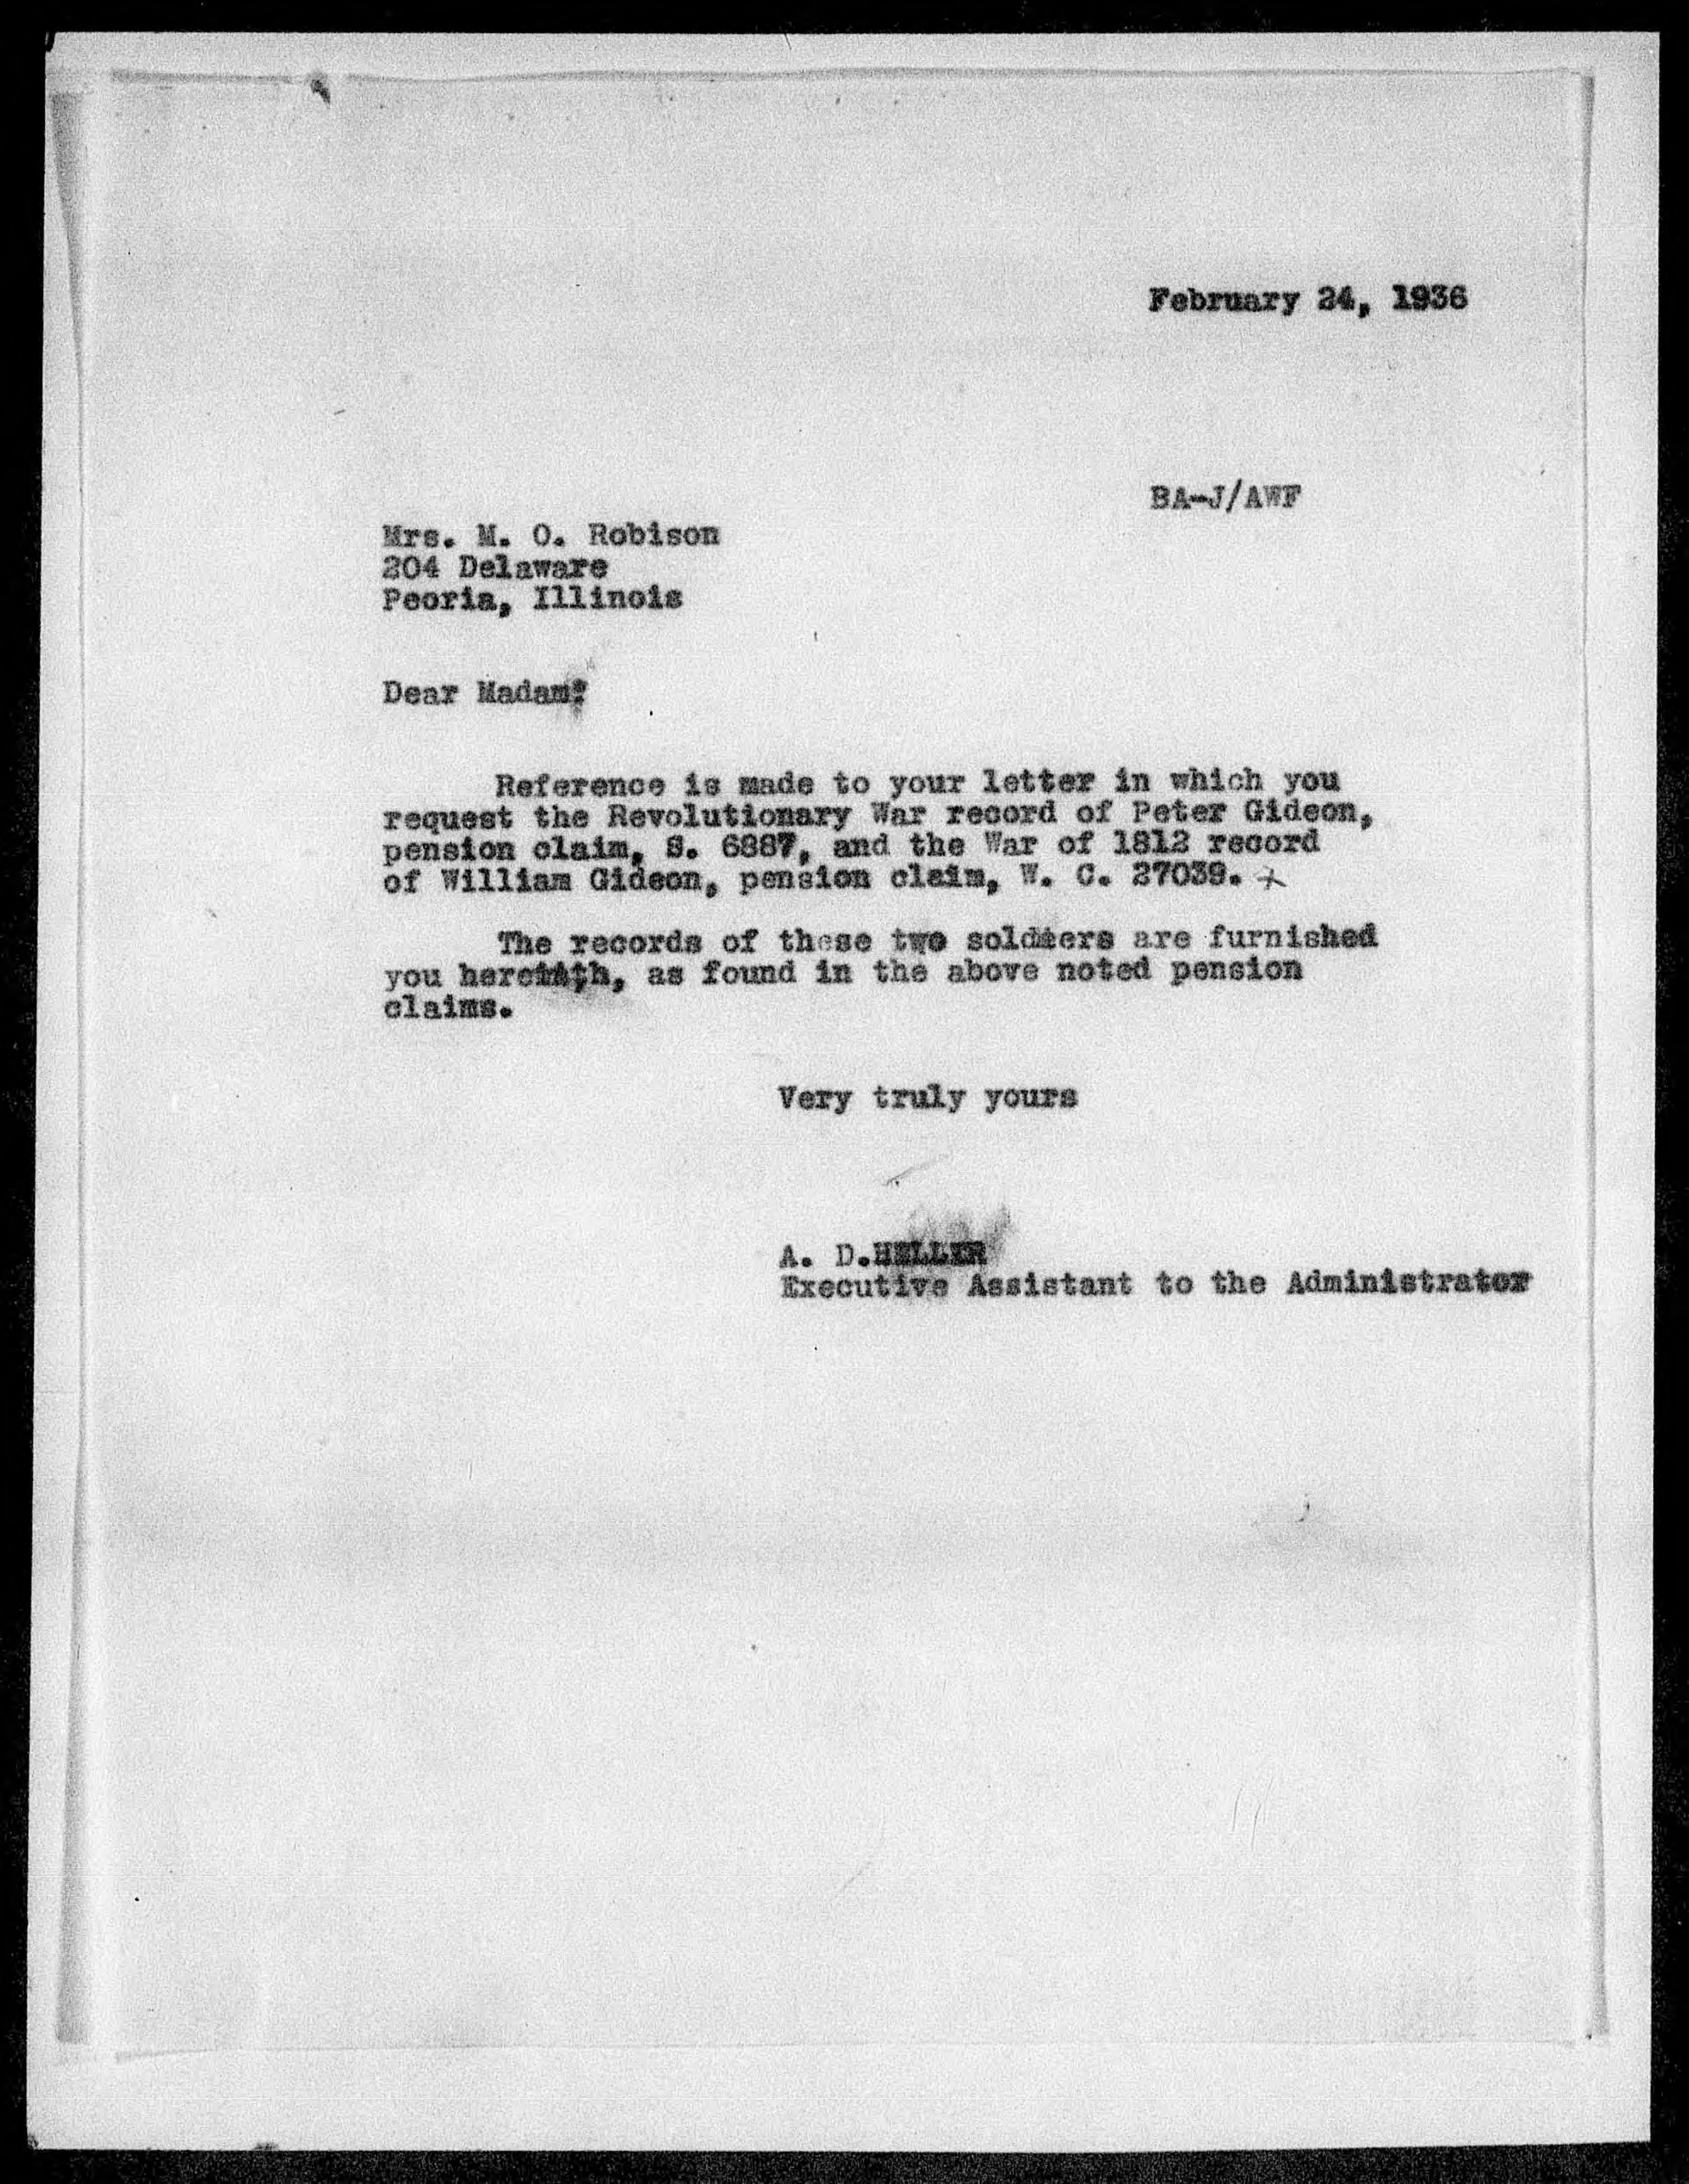February 24, 19
BA-J/AWF

Mrs. M. O. Robison
204 Delaw
Peoria, Illinois


Dear Madam;

Reference is made to your letter in which you
request the Revolutionary War record of Peter Gideon, pension claim, S. 6887, and the War of 1812 record of William Gideon, pension claim, W. C. 27039.
The records of these two soldiers are furnished you herewith, as found in the above noted pension claims.

Very truly yours
A.D. Heller
Assistant to the Administrator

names: A D Hiller, William Gideon, M O Robison, Peter Gideon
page: 51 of 64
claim: survivor's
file: S. 6887, Peter Gideon, Md.